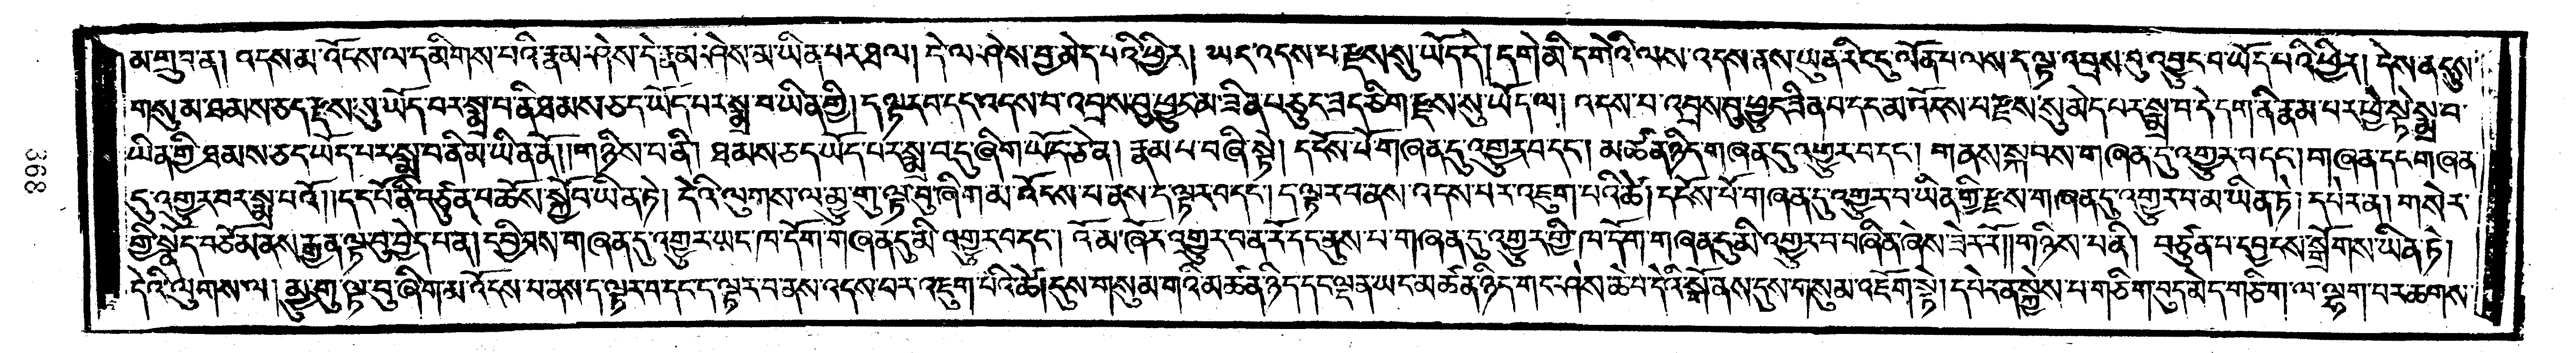མ་གྲུབ་ན། འདས་མ་འོངས་ལ་དམིགས་པའི་རྣམ་ཤེས་དེ་རྣམ་ཤེས་མ་ཡིན་པར་ཐལ། དེ་ལ་ཤེས་བྱ་མེད་པའི་ཕྱིར། ཡང་འདས་པ་རྫས་སུ་ཡོད་དེ། དགེ་མི་དགེའི་ལས་འདས་ནས་ཡུན་རིང་དུ་ལོན་པ་ལས་ད་ལྟ་འབྲས་བུ་འབྱུང་བ་ཡོད་པའི་ཕྱིར། དེས་ན་དུས་
གསུམ་ཐམས་ཅད་རྫས་སུ་ཡོད་པར་སྨྲ་བ་ནི་ཐམས་ཅད་ཡོད་པར་སྨྲ་བ་ཡིན་གྱི། ད་ལྟར་བ་དང་འདས་པ་འབྲས་བུ་ཕྱུང་མ་ཟིན་པ་ཅུང་ཟད་ཅིག་རྫས་སུ་ཡོད་ལ། འདས་པ་འབྲས་བུ་ཕྱུང་ཟིན་པ་དང་མ་འོངས་པ་རྫས་སུ་མེད་པར་སྨྲ་བ་དེ་དག་ནི་རྣམ་པར་ཕྱི་སྟེ་སྨྲ་བ་
ཡིན་གྱི་ཐམས་ཅད་ཡོད་པར་སྨྲ་བ་ནི་མ་ཡིན་ནོ། །གཉིས་པ་ནི། ཐམས་ཅད་ཡོད་པར་སྨྲ་བ་དུ་ཞིག་ཡོད་ཅེ་ན། རྣམ་པ་བཞི་སྟེ། དངོས་པོ་གཞན་དུ་འགྱུར་བ་དང་། མཚན་ཉིད་གཞན་དུ་འགྱུར་བ་དང་། གནས་སྐབས་གཞན་དུ་འགྱུར་བ་དང་། གཞན་དང་གཞན་
དུ་འགྱུར་པར་སྨྲ་བའོ། །དང་པོ་ནི་བཅུན་པ་ཆོས་སྐྱོབ་ཡིན་ཏེ། དེའི་ལུགས་ལ་མྱུ་གུ་ལྟ་བུ་ཞིག་མ་འོངས་པ་ནས་ད་ལྟར་བ་དང་། ད་ལྟར་བ་ནས་འདས་པར་འཇུག་པའི་ཚེ། དངོས་པོ་གཞན་དུ་འགྱུར་བ་ཡིན་གྱི་རྫས་གཞན་དུ་འགྱུར་བ་མ་ཡིན་ཏེ། དཔེར་ན། གསེར་
གྱི་སྣོད་བཅོམ་ནས་རྒྱན་ལྟ་བུ་བྱེད་པ་ན། དབྱིབས་གཞན་དུ་འགྱུར་ཡང་ཁ་དོག་གཞན་དུ་མི་འགྱུར་བ་དང་། འོ་ན་ཞོར་འགྱུར་བ་ན་རོ་དང་ནུས་པ་གཞན་དུ་འགྱུར་གྱི་ཁ་དོག་གཞན་དུ་མི་འགྱུར་བ་བཞིན་ཞེས་ཟེར་རོ། །གཉིས་པ་ནི། བཙུན་པ་དབྱངས་སྒྲོགས་ཡིན་ཏེ།
དེའི་ལུགས་ལ། མྱུ་གུ་ལྟ་བུ་ཞིག་མ་འོངས་པ་ནས་ད་ལྟར་བ་དང་ད་ལྟར་བ་ནས་འདས་པར་འཇུག་པའི་ཚེ། དུས་གསུམ་གའི་མཚན་ཉིད་དང་ལྡན་ཡང་མཚན་ཉིད་གང་ཤེས་ཆེ་བ་དེའི་སྒོ་ནས་དུས་གསུམ་འཇོག་སྟེ། དཔེར་ན་སྐྱེས་པ་གཅིག་བུད་མེད་གཅིག་ལ་ལྷག་པར་ཆགས་